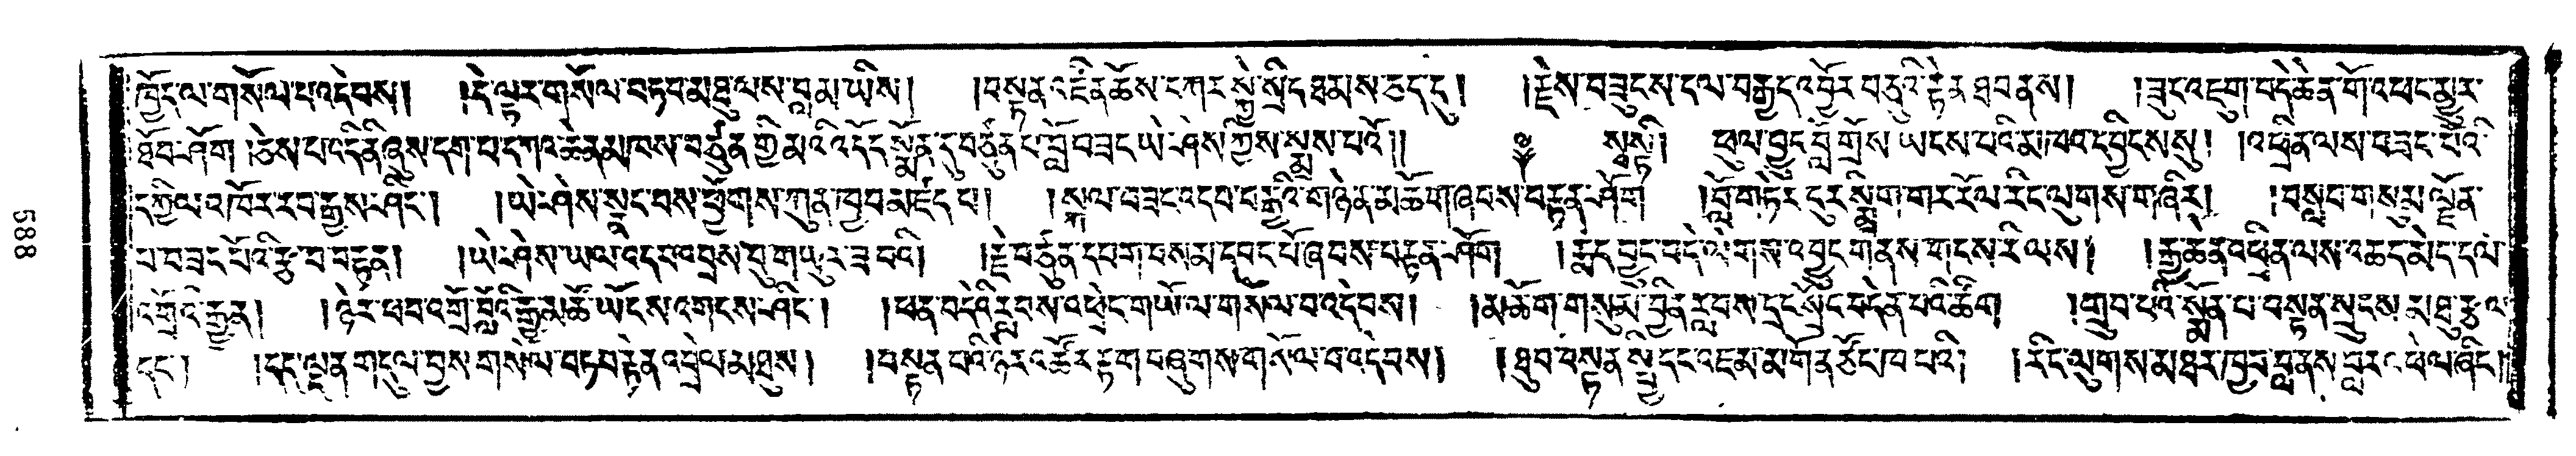ཁྱོད་ལ་གསོལ་པ་འདེབས། །དེ་ལྟར་གསོལ་བཏབ་མཐུ་ལས་བླ་མ་ཡིས། །བསྟན་འཛིན་ཆོས་དཀར་སྐྱེ་སྲིད་ཐམས་ཅད་དུ། །རྗེས་བཟུངས་ངལ་བརྒྱད་འབྱོར་བཅུའི་རྟེན་ཐུབ་ནས། །ཟུང་འཇུག་བདེ་ཆེན་གོ་འཕང་མྱུར་
ཐོབ་ཤོག །ཅེས་པ་འདི་ནི་ཞུས་དག་པ་དཀའ་ཆེན་མཁས་བཙུན་གྱི་མའི་འདོད་སྨོན་དུ་བཙུན་པ་བློ་བཟང་ཡེ་ཤེས་ཀྱིས་སྨྲས་པའོ།། ༈ སྭ་སྟི། ཕུལ་བྱུང་བློ་གྲོས་ཡངས་པའི་མཁའ་དབྱིངས་སུ། །འཕྲིན་ལས་བཟང་པོའི་
དཀྱིལ་འཁོར་རབ་རྒྱས་ཤིང་། །ཡེ་ཤེས་སྣང་བས་ཕྱོགས་ཀུན་ཁྱབ་མཛད་པ། །སྐལ་བཟང་འདབ་བརྒྱའི་གཉེན་མཆོག་ཞབས་བརྟན་ཤོག། །བློ་གཏེར་དུར་སྨྲིག་གར་རོལ་རིང་ལུགས་གཞིར། །བསླབ་གསུམ་ལྗོན་
པ་བཟང་པོའི་རྩ་བ་བརྟན། །ཡེ་ཤེས་ཡལ་འདབ་འབྲས་བུ་གཡུར་ཟ་བའི། །རྗེ་བཙུན་དཔག་བསམ་དབང་པོ་ཞབས་བརྟན་ཤོག །རྨད་བྱུང་བདེ་ལེགས་འབྱུང་གནས་གསང་རི་ལས། །རྒྱ་ཆེན་འཕྲིན་ལས་འཆད་མེད་དལ་
འགྲོའི་རྒྱུན། །ཉེར་ཕབ་འགྲོ་བློའི་རྒྱ་མཚོ་ཡོངས་འགངས་ཤིང་། །ཕན་བདེའི་རླབས་འཕྲེང་གཡོ་ལ་གསོལ་བ་འདེབས། །མཆོག་གསུམ་བྱིན་རླབས་དྲང་སྲོང་བདེན་པའི་ཚིག །གྲུབ་པའི་སྨོན་པ་བསྟན་སྲུངས་མཐུ་རྩལ་
དང་། །དད་ལྡན་གདུལ་བྱས་གསོལ་བཏབ་རྟེན་འབྲེལ་མཐུས། །བསྟན་པའི་ཉེར་འཚོར་རྟག་བཞུགས་གསོལ་བ་འདེབས། །ཐུབ་བསྟན་སྤྱི་དང་འཇམ་མགོན་ཙོང་ཁ་པའི། །རིང་ལུགས་མཐར་ཁྱབ་བླ་ནས་བླར་འཕེལ་ཞིང།།